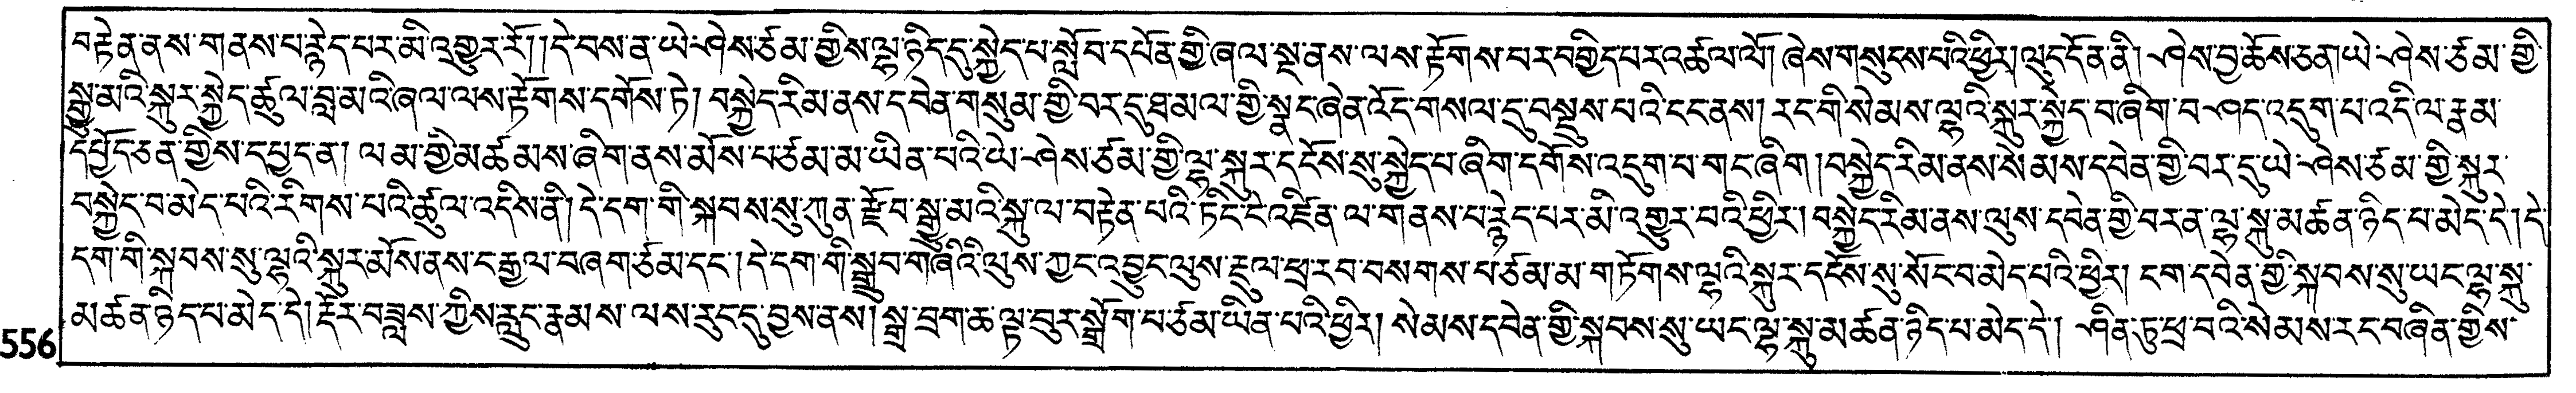བརྟེན་ནས་གནས་པ་རྙེད་པར་མི་འགྱུར་རོ། །དེ་བས་ན་ཡེ་ཤེས་ཙམ་གྱིས་ལྷ་ཉིད་དུ་སྐྱེད་པ་སློབ་དཔོན་གྱི་ཞལ་སྔ་ནས་ལས་རྟོགས་པར་བགྱིད་པར་འཚལ་ལོ། ཞེས་གསུངས་པའི་ཕྱིར། ལུང་དོན་ནི། ཤེས་བྱ་ཆོས་ཅན། ཡེ་ཤེས་ཙམ་གྱི་
སྒྱུ་མའི་སྐུར་སྐྱེད་ཚུལ་བླ་མའི་ཞལ་ལས་རྟོགས་དགོས་ཏེ། བསྐྱེད་རིམ་ནས་དབེན་གསུམ་གྱི་བར་དུ་ཐ་མལ་གྱི་སྣང་ཞེན་འོད་གསལ་དུ་བསྡུས་པའི་ངང་ནས། རང་གི་སེམས་ལྷའི་སྐུར་སྐྱེད་བ་ཞིག་བཤད་འདུག་པ་འདི་ལ་རྣམ་
དཔྱོད་ཅན་གྱིས་དཔྱད་ན། ལམ་གྱི་མཚམས་ཞིག་ནས་མོས་པ་ཙམ་མ་ཡིན་པའི་ཡེ་ཤེས་ཙམ་གྱི་ལྷ་སྐུར་དངོས་སུ་སྐྱེད་པ་ཞིག་དགོས་འདུག་པ་གང་ཞིག །བསྐྱེད་རིམ་ནས་སེམས་དབེན་གྱི་བར་དུ་ཡེ་ཤེས་ཙམ་གྱི་སྐུར་
བསྐྱེད་བ་མེད་པའི་རིགས་པའི་ཚུལ་འདིས་ནི། དེ་དག་གི་སྐབས་སུ་ཀུན་རྫོབ་སྒྱུ་མའི་སྐུ་ལ་བརྟེན་པའི་ཏིང་ངེ་འཛིན་ལ་གནས་པ་རྙེད་པར་མི་འགྱུར་པའི་ཕྱིར། བསྐྱེད་རིམ་ནས་ལུས་དབེན་གྱི་བར་ན་ལྷ་སྐུ་མཚན་ཉིད་པ་མེད་དེ། དེ་
དག་གི་སྐབས་སུ་ལྷའི་སྐུར་མོས་ནས་ང་རྒྱལ་བཞག་ཙམ་དང་། དེ་དག་གི་སྒྲུབ་གཞིའི་ལུས་ཀྱང་འབྱུང་ལུས་རྡུལ་ཕྲ་རབ་བསགས་པ་ཙམ་མ་གཏོགས་ལྷའི་སྐུར་དངོས་སུ་སོང་བ་མེད་པའི་ཕྱིར། ངག་དབེན་གྱི་སྐབས་སུ་ཡང་ལྷ་སྐུ་
མཚན་ཉིད་པ་མེད་དེ། རྡོར་བཟླས་ཀྱིས་རླུང་རྣམས་ལས་རུང་དུ་བྱས་ནས། སྒྲ་བྲག་ཆ་ལྟ་བུར་སྒྲོག་པ་ཙམ་ཡིན་པའི་ཕྱིར། སེམས་དབེན་གྱི་སྐབས་སུ་ཡང་ལྷ་སྐུ་མཚན་ཉིད་པ་མེད་དེ། ཤིན་ཏུ་ཕྲ་བའི་སེམས་རང་བཞིན་གྱིས་